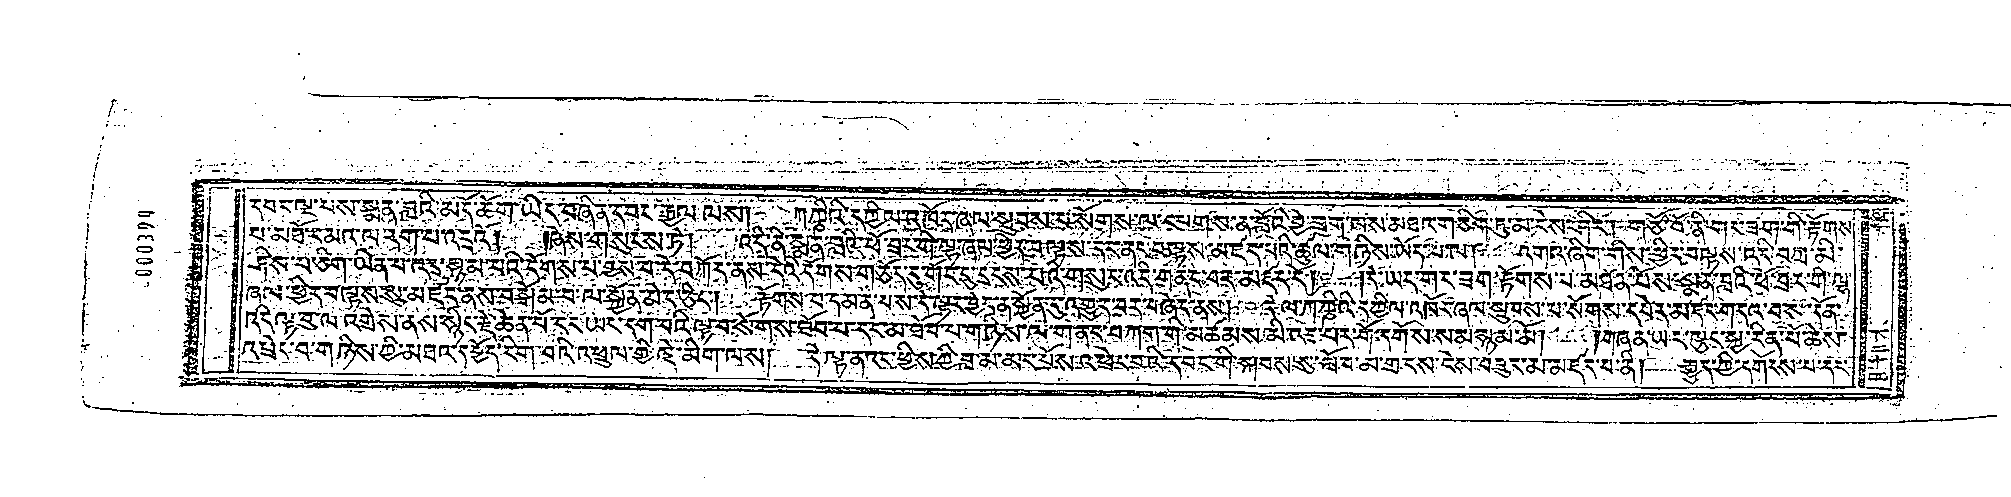དབང་ལྔ་པས་སྨན་བླའི་མདོ་ཆོག་ཡིད་བཞིན་དབང་རྒྱལ་ལས། ཀཀྞིའི་དཀྱིལ་འཁོར་ཞལ་སྦུབས་པ་སོགས་ལ་དཔགས་ན་བློའི་བྱེ་བྲག་ལས་མཐའ་གཅིག་ཏུ་མ་ངེས་ཤིང་། གཙོ་བོ་ནི་གང་ཟག་གི་རྟོགས་
པ་མཐོ་དམའ་ལ་རག་པ་འདྲའོ། །ཞེས་གསུངས་ཏེ། འདི་ནི་སྨན་བླའི་ཕོ་བྲང་གི་ལྷ་ཞལ་ཕྱིར་བལྟས་དང་ནང་བལྟས་མཛད་པའི་ཚུལ་གཉིས་ཡོད་པ་ལ། འགའ་ཞིག་གིས་ཕྱིར་བལྟས་འདི་བཀྲ་མི་
ཤིས་པ་ཅིག་ཡིན་པ་འདྲ་སྙམ་པའི་དོགས་པ་བྱས་པ་དེ་བཀོད་ནས་དེའི་དོགས་གཅོད་དུ་གོང་དུ་དྲངས་པའི་གསུང་འདི་གནང་བར་མཛད་དོ། །དེ་ཡང་གང་ཟག་རྟོགས་པ་མཐོན་པོས་སྨན་བླའི་ཕོ་བྲང་གི་ལྷ་
ཞལ་ཕྱིར་བལྟས་སུ་མཛད་ནས་བསྒོམ་བ་ལ་སྐྱོན་མེད་ཅིང་། རྟོགས་པ་དམན་པས་དེ་ལྟར་བྱེད་ན་སྐྱོན་དུ་འགྱུར་བར་བཞེད་ནས། དེ་ལ་ཀཀྞིའི་དཀྱིལ་འཁོར་ཞལ་སྦུབས་པ་སོགས་དཔེར་མཛད་གདའ་བས་དོན་
འདི་ལྟ་བུ་ལ་འགྲེས་ནས་སྙིང་རྗེ་ཆེན་པོ་དང་ཡང་དག་པའི་ལྟ་བ་སོགས་ཐོབ་པ་དང་མ་ཐོབ་པ་གཉིས་ལ་གནང་བཀག་གི་མཚམས་མི་འདྲ་པར་གོ་དགོས་སམ་སྙམ་མོ། །གཞན་ཡང་ལྕང་སྐྱ་རིན་པོ་ཆེས་
འཕྲེང་བ་གཉིས་ཀྱི་མཐའ་དཔྱོད་རིག་བའི་འཕྲུལ་གྱི་ལྡེ་མིག་ལས། དེ་ལྟ་ནའང་ཕྱིས་ཀྱི་བླ་མ་མང་པོས་འཕྲེང་བའི་དབང་གི་སྐབས་སུ་སློབ་མ་གྲངས་ངེས་བཟུང་མ་མཛད་པ་ནི། རྒྱུད་ཀྱི་དགོངས་པ་དང་